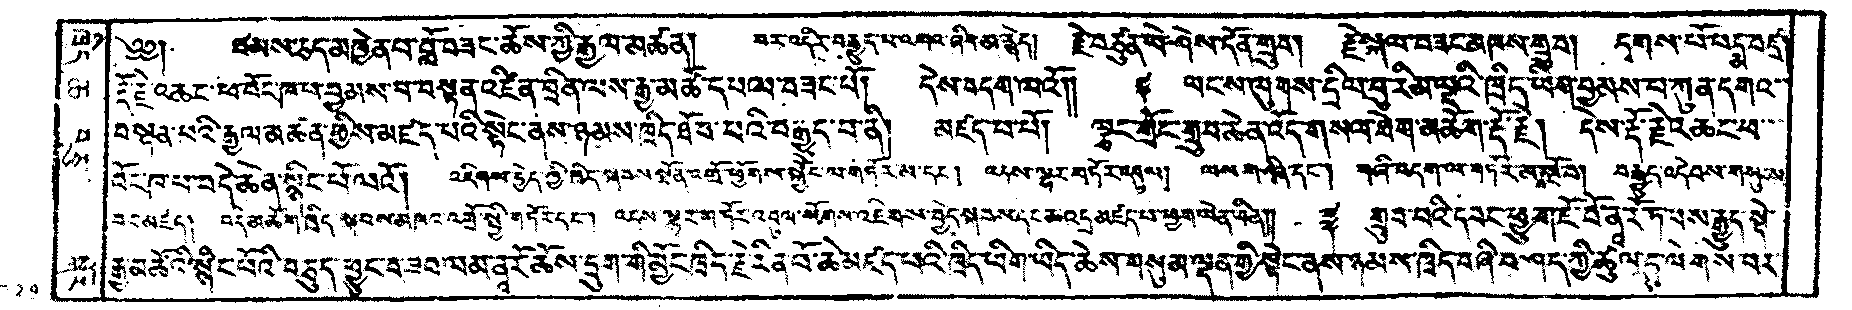༄༅། །ཐམས་ཅད་མཁྱེན་པ་བློ་བཟང་ཆོས་ཀྱི་རྒྱལ་མཚན། བར་འདིར་བརྒྱུད་པ་འགའ་ཞིག་མ་རྙེད།  རྗེ་བཙུན་ཡེ་ཤེས་དོན་གྲུབ། རྗེ་སྐལ་བཟང་མཁས་གྲུབ། དྭགས་པོ་པདམ་བཛྲ།
རྡོ་རྗེ་འཆང་ཕ་བོང་ཁ་པ་བྱམས་པ་བསྟན་འཛིན་ཕྲིན་ལས་རྒྱ་མཚོ་དཔལ་བཟང་པོ། དེས་བདག་ལའོ།། ༈ ཡང་ས་ལུགས་དྲིལ་བུ་རིམ་ལྔའི་ཁྲིད་ཡིག་བྱམས་པ་ཀུན་དགའ་
བསྟན་པའི་རྒྱལ་མཚན་གྱིས་མཛད་པའི་སྟེང་ནས་ཉམས་ཁྲིད་ཐོབ་པའི་བརྒྱུད་པ་ནི། མཛད་པ་པོ། ལྕང་གྲོང་གྲུབ་ཆེན་འོད་གསལ་ཐེག་མཆོག་རྡོ་རྗེ། དེས་རྡོ་རྗེ་འཆང་ཕ་
བོང་ཁ་པ་བདེ་ཆེན་སྙིང་པོ་ལའོ། འཇིགས་བྱེད་ཀྱི་ཁྲིད་སྐབས་སྔོན་འགྲོ་ཕྱོགས་སྐྱོང་ལ་གཏོར་མ་དང་། འདས་ལྷར་གཏོར་འབུལ། ལས་གཤིན་དང་། གཞི་བདག་ལ་གཏོར་མ་བསྔོ་བ། བརྒྱུད་འདེབས་གསུངས་
བར་མཛད། བདེ་མཆོག་ཁྲིད་སྐབས་མཁའ་འགྲོ་སྤྱི་གཏོར་དང་། འདས་ལྷར་གཏོར་འབུལ་སོགས་འཇིགས་བྱེད་སྐབས་དང་ཆ་འདྲ་མཛད་པ་ཕྱག་ལེན་ཡིན།། ༈ གྲུབ་པའི་དབང་ཕྱུག་ཇོ་བོ་ནཱ་རོ་ཏ་པས་རྒྱུད་སྡེ་
རྒྱ་མཚོའི་སྙིང་པོའི་བཅུད་ཕྱུང་བ་ཟབ་ལམ་ནཱ་རོ་ཆོས་དྲུག་གི་མྱོང་ཁྲིད་རྗེ་རིན་པོ་ཆེ་མཛད་པའི་ཁྲིད་ཡིག་ཡིད་ཆེས་གསུམ་ལྡན་གྱི་སྟེང་ནས་ཉམས་ཁྲིད་བཞི་བཤད་ཀྱི་ཚུལ་དུ་ལེགས་པར་